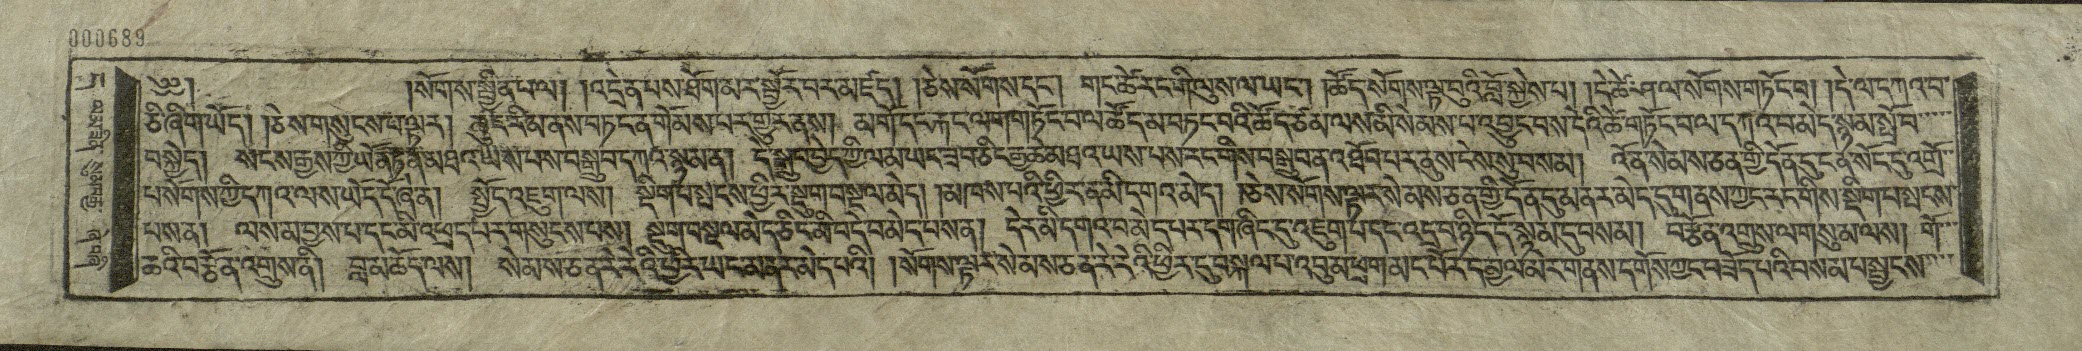༄༅། །སོགས་སྦྱིན་པ་ལ། །འདྲེན་པས་ཐོག་མར་སྦྱོར་བར་མཛད། །ཅེས་སོགས་དང་། གང་ཚེ་རང་གི་ལུས་ལ་ཡང་། །ཚོད་སོགས་ལྟ་བུའི་བློ་སྐྱེས་པ། །དེ་ཚེ་ཤ་ལ་སོགས་གཏོང་བ། །དེ་ལ་དཀའ་བ་
ཅི་ཞིག་ཡོད། །ཅེས་གསུངས་པ་ལྟར། ཆུང་རིམ་ནས་བཏང་ན་གོམས་པར་གྱུར་ནས། མགོ་དང་རྐང་ལག་གཏོང་བ་ལ་ཚོད་མ་བཏང་བའི་ཚོད་ཙམ་ལས་མི་སེམས་པ་འབྱུང་བས་དེའི་ཚེ་གཏོང་བ་ལ་དཀའ་བ་མེད་སྙམ་སྤྲོ་བ་
བསྐྱེད། སངས་རྒྱས་ཀྱི་ཡོན་ཏན་མཐའ་ཡས་པས་བསྒྲུབ་དཀའ་སྙམ་ན། དེ་སྒྲུབ་བྱེད་ཀྱི་ལམ་ཡང་ཟབ་ཅིང་རྒྱ་ཆེ་མཐའ་ཡས་པས་རང་གིས་བསྒྲུབ་ན་འཐོབ་པར་ནུས་ངེས་སུ་བསམ། འོ་ན་སེམས་ཅན་གྱི་དོན་དུ་ངན་སོང་དུ་འགྲོ་
པ་སོགས་ཀྱི་དཀའ་ལས་ཡོད་དོ་ཞེ་ན། སྤྱོད་འཇུག་ལས། སྡིག་པ་སྤངས་ཕྱིར་སྡུག་བསྔལ་མེད། །མཁས་པའི་ཕྱིར་ན་མི་དགའ་མེད། །ཅེས་སོགས་ལྟར་སེམས་ཅན་གྱི་དོན་དུ་མནར་མེད་དུ་གནས་ཀྱང་རང་གིས་སྡིག་པ་སྤངས་
པས་ན། ལས་མ་བྱས་པ་དང་མི་འཕྲད་པར་གསུངས་པས། སྡུག་བསྔལ་མེད་ཅིང་མི་བདེ་བ་མེད་པས་ན། དེར་མི་དགའ་བ་མེད་པར་དག་ཞིང་དུ་འཇུག་པ་དང་འདྲ་བ་ཉིད་དོ་སྙམ་དུ་བསམ། བརྩོན་འགྲུས་ལ་གསུམ་ལས། གོ་
ཆའི་བརྩོན་འགྲུས་ནི། བླ་མཆོད་ལས། སེམས་ཅན་རེ་རེའི་ཕྱིར་ཡང་མནར་མེད་པའི། །སོགས་ལྟར་སེམས་ཅན་རེ་རེའི་ཕྱིར་དུ་བསྐལ་པ་འབུམ་ཕྲག་མང་པོར་དམྱལ་མེར་གནས་དགོས་ཀྱང་བཟོད་པའི་བསམ་པ་སྦྱངས་